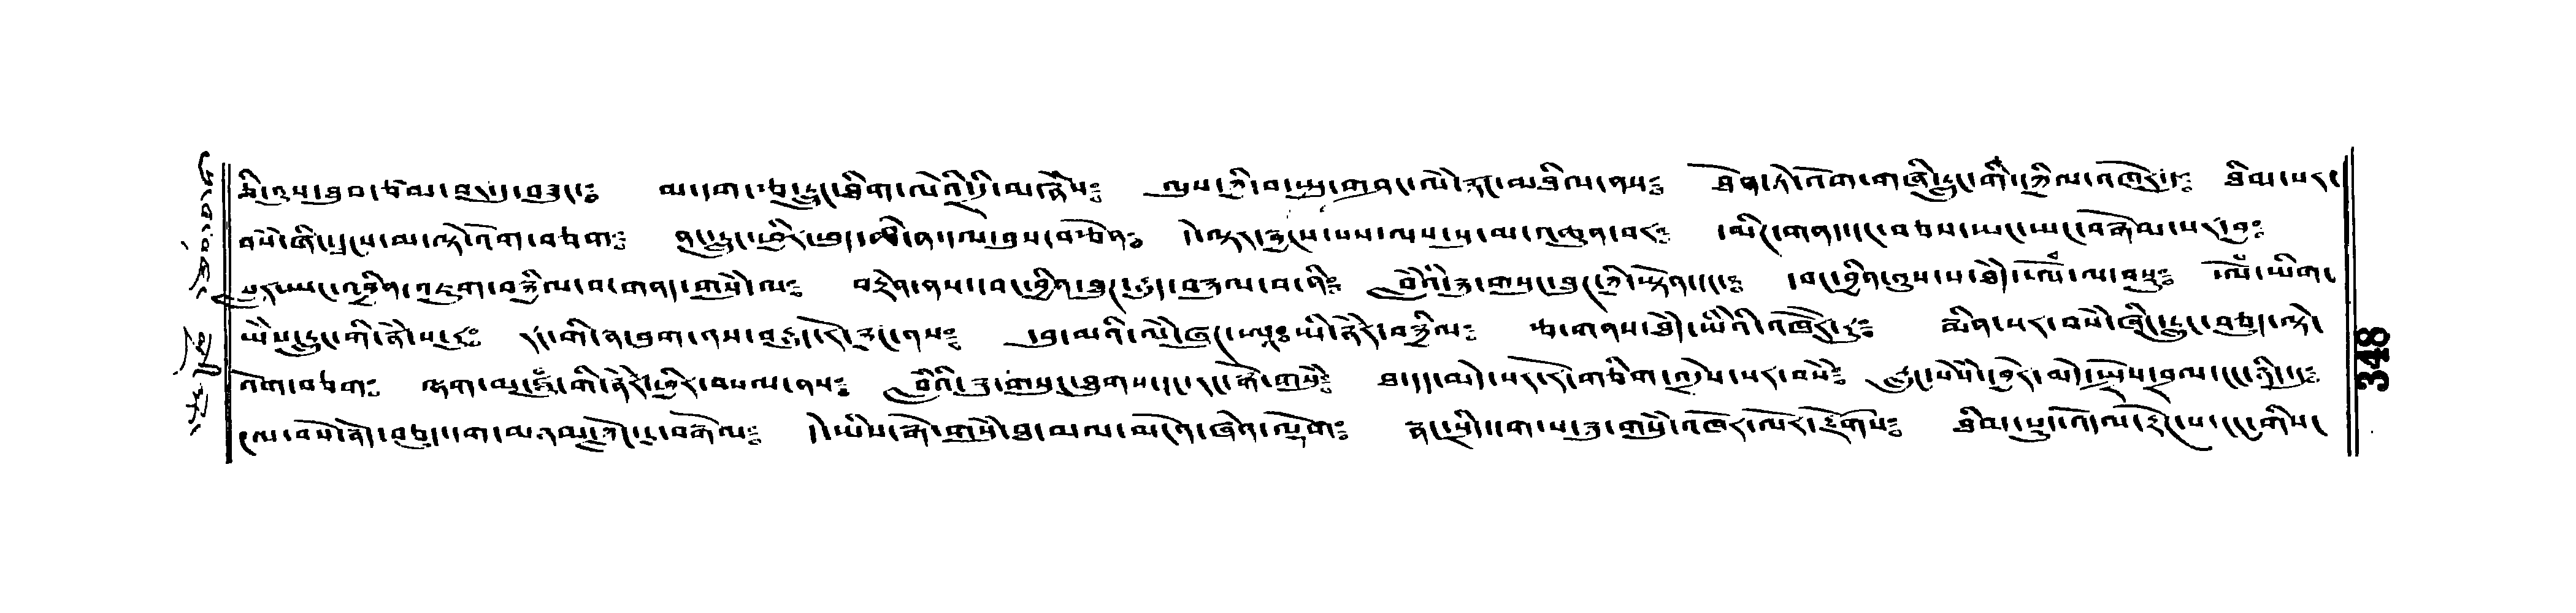ཅི་ནུས་ཐུབ་ཙམ་བར་དུ་བཟུང༔ མ་དག་རྩ་རླུང་ཐིག་ལེའི་དྲི་མ་རྣམས༔ ལུས་ཀྱི་བ་སྤུ་གཤང་ལམ་རྐང་མཐིལ་ནས༔ ཐོན་ཏེ་འོག་གཞི་རླུང་གི་དཀྱིལ་འཁོར་དུ༔ ཐིམ་པར་
བསམ་ཞིང་དྭངས་མ་ལྟེ་འོག་བཅག༔ ནང་རླུང་ཕྱིར་ཕུད་ཚེ་ན་དལ་བུས་བརྩོན༔ དེ་ལྟར་སྦྱངས་པས་ལས་སུ་མ་འཆུན་བར༔ དམིགས་གནད་དང་བཅས་ཡང་ཡང་བསྒོམ་པར་བྱ༔ 
སླར་ཡང་འབྱིན་འཇུག་བསྐྱིལ་བ་གནད་གསུམ་ལ༔ བརྟེན་ནས་དབང་བྱིན་ཐུགས་རྒྱུད་བསྐུལ་བ་ནི༔ བླ་མའི་སྐུ་གསུང་ཐུགས་ཀྱི་ཡོན་ཏན་དང༔ དབང་བྱིན་ནུས་པ་ཐམས་ཅད་ཨོཾ་ལ་བསྡུ༔ ཨོཾ་ཡིག་
ཡེ་ཤེས་རླུང་གི་རྣམ་པ་རུ༔ རང་གི་སྣ་བུག་ནས་བརྒྱུད་རོ་རྐྱང་ནས༔ དབུ་མའི་ལམ་ཞུགས་ཨཱཿཡི་རྣམ་པར་བསྐྱིལ༔ རྩ་གནས་ཐམས་ཅད་ཡེ་གེའི་འཁོར་ལོ་རུ༔ སྨིན་པར་བསམ་ཞིང་རླུང་བཅུད་ལྟེ་
འོག་བཅག༔ ལྷག་མ་ཧཱུཾ་གི་རྣམ་པར་ཕྱིར་བསལ་ནས༔ བླ་མའི་སྐུ་གསུང་ཐུགས་དང་རང་སྒོ་གསུམ༔ ཐ་དད་མེད་པར་རོ་གཅིག་འདྲེས་པར་བསམ༔ རླུང་སེམས་དབྱེར་མེད་སྤྲོས་བྲལ་ངང་ཉིད་དུ༔ 
ངལ་བསོ་སྣོད་བཅུད་དག་མཉམ་ཀློང་དུ་བསྒོམ༔ དེ་ཡིས་སྒོ་གསུམ་ཐ་མལ་མངོན་ཞེན་ལྡོག༔ སྣང་སྲིད་དག་པ་སྐུ་གསུམ་འཁོར་ལོར་རྫོགས༔ ཐིམ་སྡུད་འོད་གསལ་རྟོགས་པ་ངང་གིས་